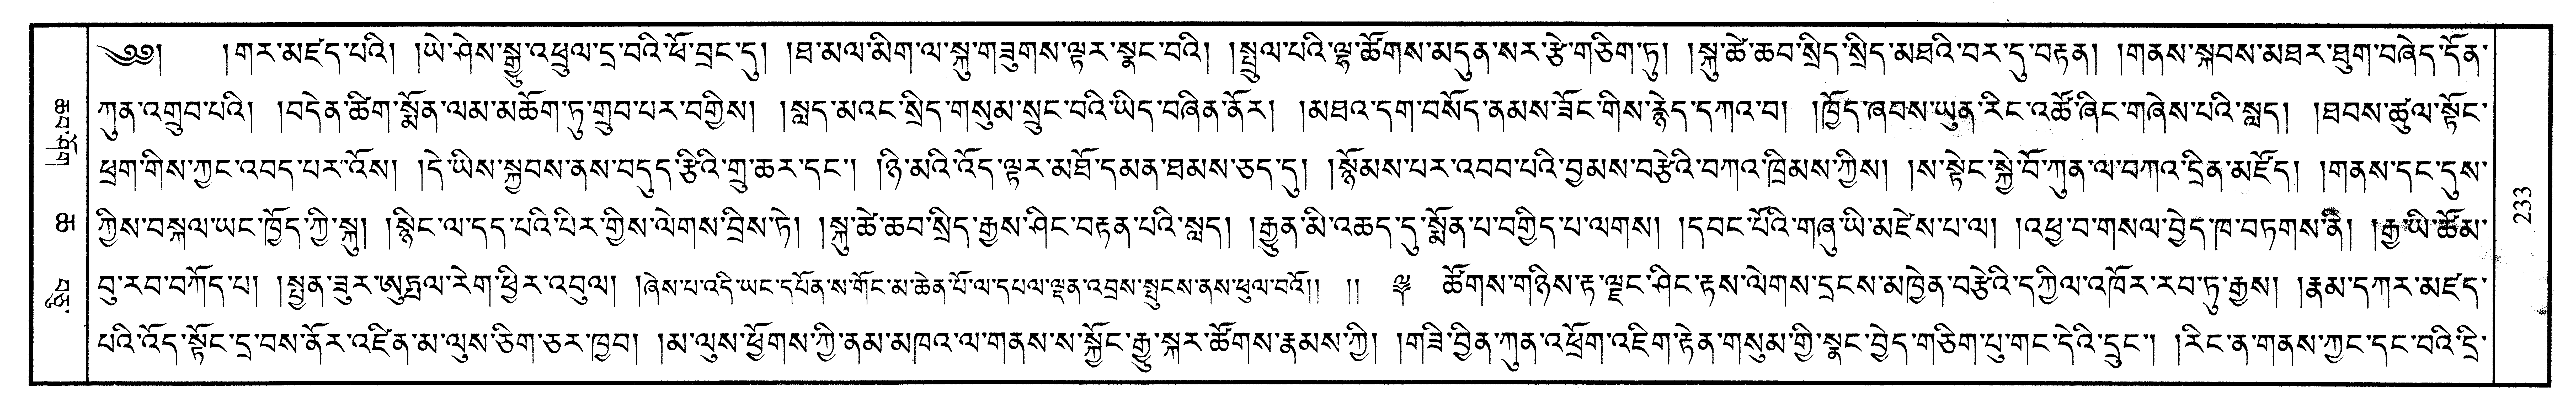༄༅། །གར་མཛད་པའི། །ཡེ་ཤེས་སྒྱུ་འཕྲུལ་དྲ་བའི་ཕོ་བྲང་དུ། །ཐ་མལ་མིག་ལ་སྐུ་གཟུགས་ལྟར་སྣང་བའི། །སྤྲུལ་པའི་ལྷ་ཚོགས་མདུན་སར་རྩེ་གཅིག་ཏུ། །སྐུ་ཚེ་ཆབ་སྲིད་མཐའི་བར་དུ་བརྟན། །གནས་སྐབས་མཐར་ཐུག་བཞེད་དོན་
ཀུན་འགྲུབ་པའི། །བདེན་ཚིག་སྨོན་ལམ་མཆོག་ཏུ་གྲུབ་པར་བགྱིས། །སླད་མའང་སྲིད་གསུམ་སྲུང་བའི་ཡིད་བཞིན་ནོར། །མཐའ་དག་བསོད་ནམས་ཟོང་གིས་རྙེད་དཀའ་བ། །ཁྱོད་ཞབས་ཡུན་རིང་འཚོ་ཞིང་གཞེས་པའི་སླད། །ཐབས་ཚུལ་སྟོང་
ཕྲག་གིས་ཀྱང་འབད་པར་འོས། །དེ་ཡིས་སྐྱབས་ནས་བདུད་རྩིའི་གྲུ་ཆར་དང་། །ཉི་མའི་འོད་ལྟར་མཐོ་དམན་ཐམས་ཅད་དུ། །སྙོམས་པར་འབབ་པའི་བྱམས་བརྩེའི་བཀའ་ཁྲིམས་ཀྱིས། །ས་སྟེང་སྐྱེ་བོ་ཀུན་ལ་བཀའ་དྲིན་མཛོད། །གནས་དང་དུས་
ཀྱིས་བསྐལ་ཡང་ཁྱོད་ཀྱི་སྐུ། །སྙིང་ལ་དད་པའི་པིར་གྱིས་ལེགས་བྲིས་ཏེ། །སྐུ་ཚེ་ཆབ་སྲིད་རྒྱས་ཤིང་བརྟན་པའི་སླད། །རྒྱུན་མི་འཆད་དུ་སྨོན་པ་བགྱིད་པ་ལགས། །དབང་པོའི་གཞུ་ཡི་མཛེས་པ་ལ། །འཕྱ་བ་གསལ་བྱེད་ཁ་བཏགས་ནི། །རྒྱ་ཡི་ཚོམ་
བུ་རབ་བཀོད་པ། །སྤྱན་ཟུར་ཨུཏྤལ་རེག་ཕྱིར་འབུལ། །ཞེས་པ་འདི་ཡང་དཔོན་ས་གོང་མ་ཆེན་པོ་ལ་དཔལ་ལྡན་འབྲས་སྤུངས་ནས་ཕུལ་བའོ།། །། ༈ ཚོགས་གཉིས་རྟ་ལྗང་ཤིང་རྟས་ལེགས་དྲངས་མཁྱེན་བརྩེའི་དཀྱིལ་འཁོར་རབ་ཏུ་རྒྱས། །རྣམ་དཀར་མཛད་
པའི་འོད་སྟོང་དྲ་བས་ནོར་འཛིན་མ་ལུས་ཅིག་ཅར་ཁྱབ། །མ་ལུས་ཕྱོགས་ཀྱི་ནམ་མཁའ་ལ་གནས་ས་སྐྱོང་རྒྱུ་སྐར་ཚོགས་རྣམས་ཀྱི། །གཟི་བྱིན་ཀུན་འཕྲོག་འཇིག་རྟེན་གསུམ་གྱི་སྣང་བྱེད་གཅིག་པུ་གང་དེའི་དྲུང་། །རིང་ན་གནས་ཀྱང་དང་བའི་དྲི་